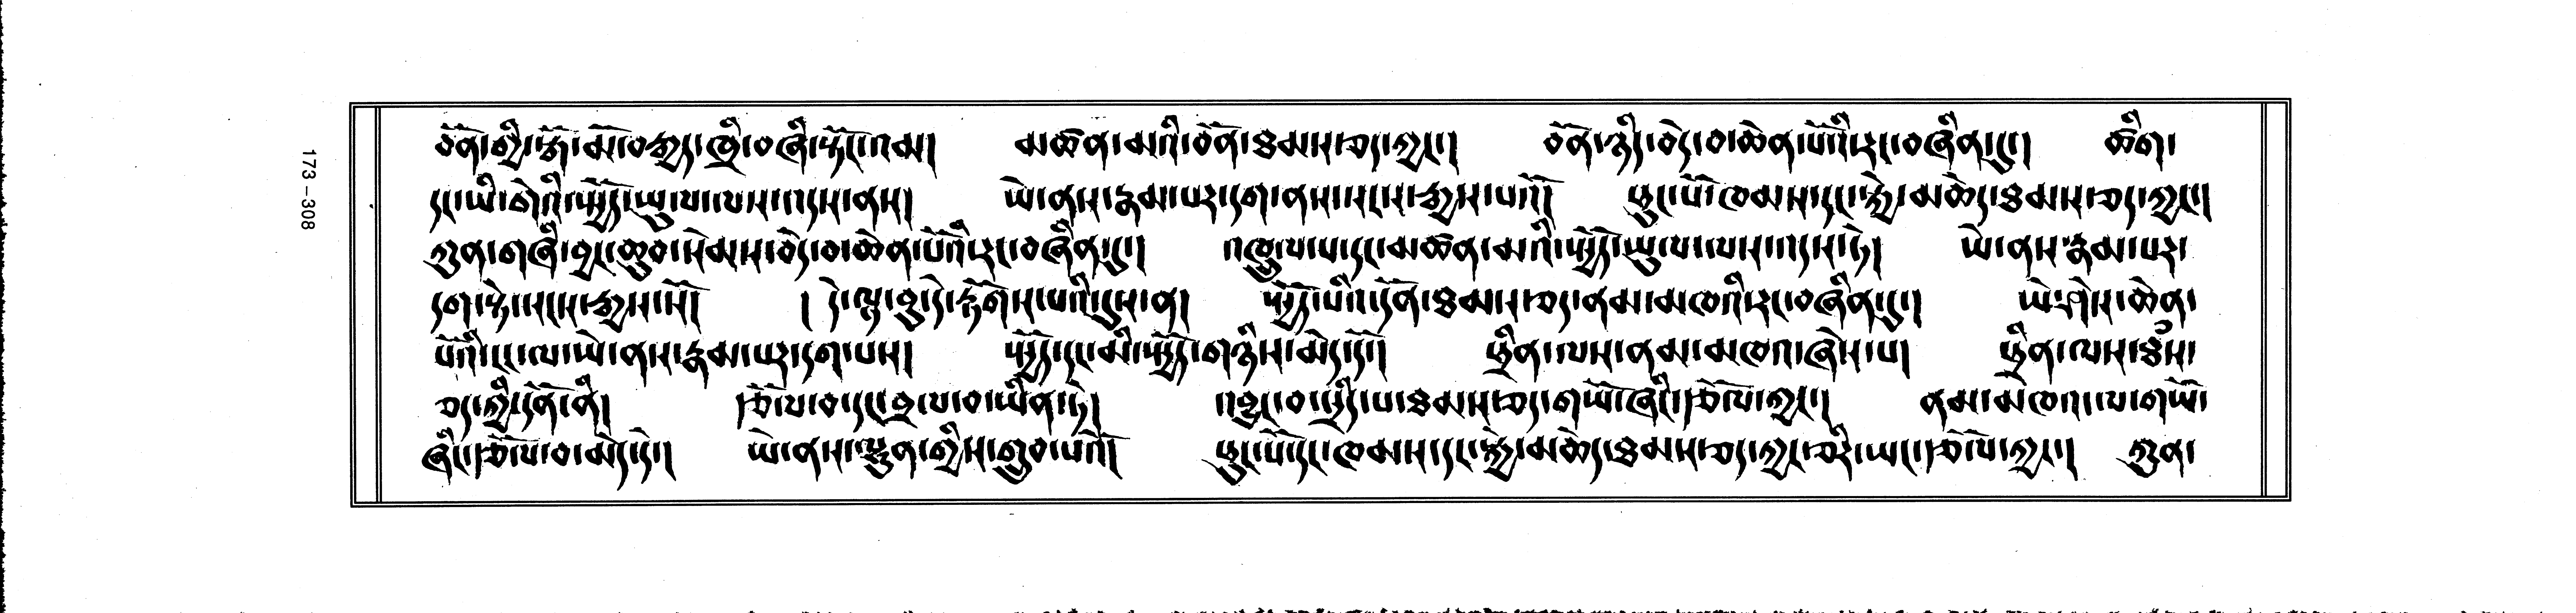བོན་གྱི་སྒོ་མོ་བརྒྱད་ཁྲི་བཞི་སྟོང་ངམ། མཚན་མའི་བོན་ཐམས་ཅད་ཀྱང་། བོན་ཉིད་བདེ་བ་ཆེན་པོའི་རང་བཞིན་དུ། ཚིག་
དང་ཡི་གེའི་སྤྱོད་ཡུལ་ལས་འདས་ནས། ཡེ་ནས་རྣམ་པར་དག་ནས་སངས་རྒྱས་པའོ། །ཕུང་པོ་ཁམས་དང་སྐྱེ་མཆེད་ཐམས་ཅད་ཀྱང་། 
ཀུན་གཞི་བྱང་ཆུབ་སེམས་བདེ་བ་ཆེན་པོའི་རང་བཞིན་དུ། འཁྲུལ་པ་དང་མཚན་མའི་སྤྱོད་ཡུལ་ལས་འདས་ཏེ། ཡེ་ནས་རྣམ་པར་
དག་སྟེ་སངས་རྒྱས་སོ། །དེ་ལྟ་བུ་དེ་རྟོགས་པའི་དུས་ན། སྤྱོད་པའི་དོན་ཐམས་ཅད་ནམ་མཁའི་རང་བཞིན་དུ། ཡེ་ཤེས་ཆེན་
པོའི་ངང་ལ་ཡེ་ནས་རྣམ་པར་དག་པས། སྤྱོད་དང་མི་སྤྱོད་གཉིས་མེད་དོ། །ཕྲིན་ལས་ནམ་མཁའ་ཞེས་པ། ཕྲིན་ལས་ཐམས་
ཅད་ཀྱི་དོན་ནི། རྩོལ་བ་དང་བྲལ་བ་ཡིན་ཏེ། འབྱུང་བ་སྲིད་པ་ཐམས་ཅད་གཡོ་ཞིང་རྩོལ་ཀྱང་། ནམ་མཁའ་ལ་གཡོ་
ཞིང་རྩོལ་བ་མེད་དེ། ཡེ་ནས་ལྷུན་གྱིས་གྲུབ་པའོ། །ཕུང་པོ་དང་ཁམས་དང་སྐྱེ་མཆེད་ཐམས་ཅད་ཀྱང་ཅིར་ཡང་རྩོལ་ཀྱང་། ཀུན་